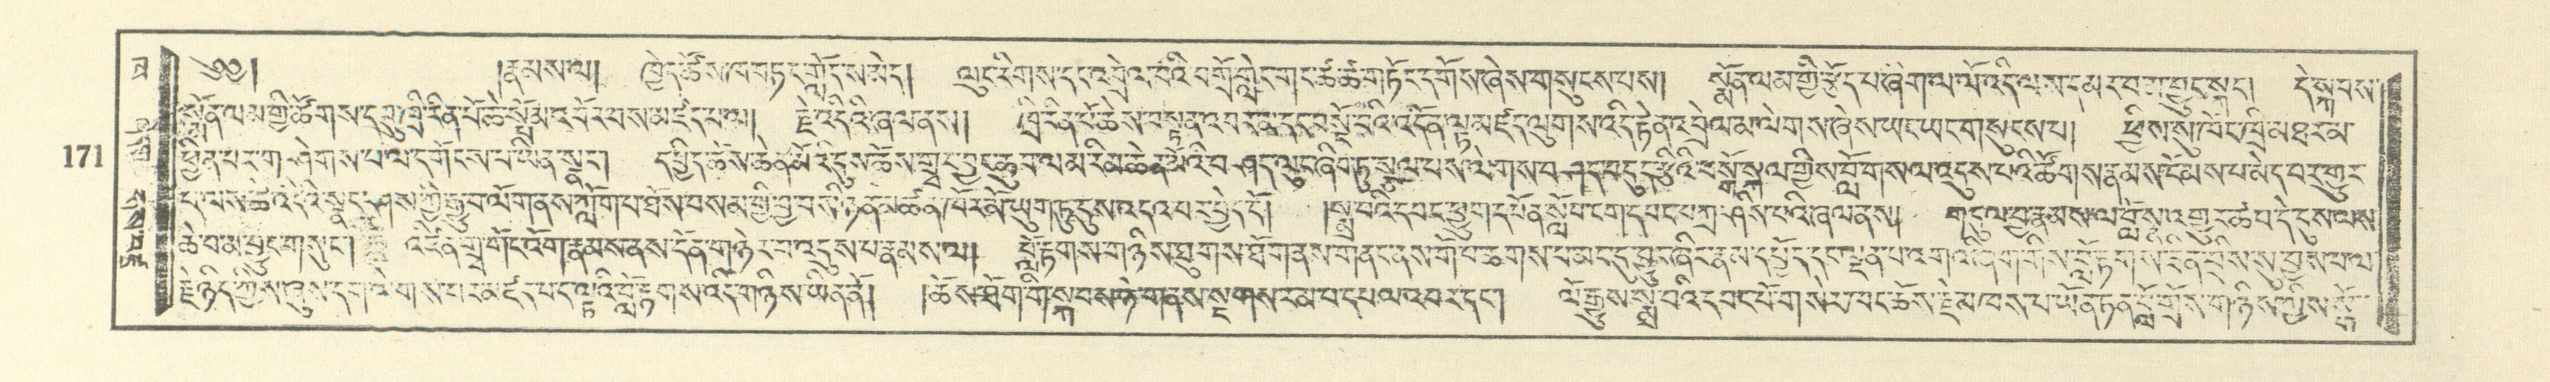༄༅། །རྣམས་ལ། ཁྱེད་ཚོས་ཁ་བཏང་གློད་ས་མེད། ལུང་རིགས་དང་འབྲེལ་བའི་བགྲོ་གླེང་གང་ཚ་ཚ་གཏོང་དགོས་ཞེས་གསུངས་པས། སྨོན་ལམ་གྱི་རྩོད་པ་ཞིག་ལ་ལོ་འདི་ལས་དམར་བ་མ་བྱུང་སྐད། དེ་སྐབས་
སྨོན་ལམ་གྱི་ཚོགས་དབུ་ཁྲི་རིན་པོ་ཆེ་སྦོམ་འབོར་བས་མཛད་པ་ལ། རྗེ་འདིའི་ཞལ་ནས། ཁྲི་རིན་པོ་ཆེས་བསྟན་འབར་མ་དང་བསྔོ་བའི་འདོན་ལྟ་མཛད་ལུགས་འདི་རྟེན་འབྲེལ་མ་ལེགས་ཞེས་ཡང་ཡང་གསུངས་པ། ཕྱིས་སུ་ཁོང་ཁྲི་མཐར་མ་
ཕྱིན་པར་གཤེགས་པ་ལ་དགོངས་པ་ཡིན་སྣང་། དཔྱིད་ཆོས་ཆེན་མོའི་དུས་ཆོས་གྲྭར་བྱང་ཆུབ་ལམ་རིམ་ཆེན་མོའི་བཤད་ལུང་ཞིབ་ཏུ་སྩལ་པས་ལེགས་བཤད་བདུད་རྩིའི་བསྒོ་སྐལ་གྱིས་བློ་གསལ་འདུས་པའི་ཚོགས་རྣམས་ངོམས་པ་མེད་པར་གྱུར་
པ་ལས་ཚེ་འདིའི་སྣང་ཤས་ཀྱི་རྒྱུ་བ་ལོག་ནས་ཀློག་པ་ཐོས་བསམ་གྱི་བྱ་བ་སི་ཉན་མཚན་ཁོར་མོ་ཡུག་ཏུ་དུས་འདའ་བར་བྱེད་དོ། །སྨྲ་བའི་དབང་ཕྱུག་དཔོན་སློབ་ངག་དབང་བཀྲ་ཤིས་པའི་ཞལ་ནས། གདུལ་བྱ་རྣམས་ལ་བློ་སྣ་འགྱུར་ཚབ་དེ་དུས་ལས་
ཆེ་བ་མ་བྱུང་གསུང་། འཛིན་གྲྭ་གོང་འོག་རྣམས་ནས་དོན་གཉེར་བ་འདུས་པ་རྣམས་ལ། བློ་རྟགས་གཉིས་ཐུགས་ཐོག་ནས་གནང་ནས་གོ་བ་ཆགས་པ་མང་དུ་བྱུང་ཞིང་རྣམ་དཔྱོད་དང་ལྡན་པ་འགའ་ཞིག་གིས་བློ་རྟགས་ཟིན་བྲིས་སུ་བྱས་པ་ལ་
རྗེ་ཉིད་ཀྱིས་ཞུས་དག་ལེགས་པར་མཛད་པ་ད་ལྟའི་བློ་རྟགས་འདི་གཉིས་ཡིན་ནོ། །ཆོས་ཐོག་གི་སྐབས་ཉེ་གནས་སྔགས་རྣམ་པ་དཔལ་འབར་དང་། ལོ་རྒྱུས་སྨྲ་བའི་དབང་པོ་གསེར་ཁང་ཆོས་རྗེ་མཁས་པ་ཡོན་ཏན་བློ་གྲོས་གཉིས་ཀྱིས་སྒོ་